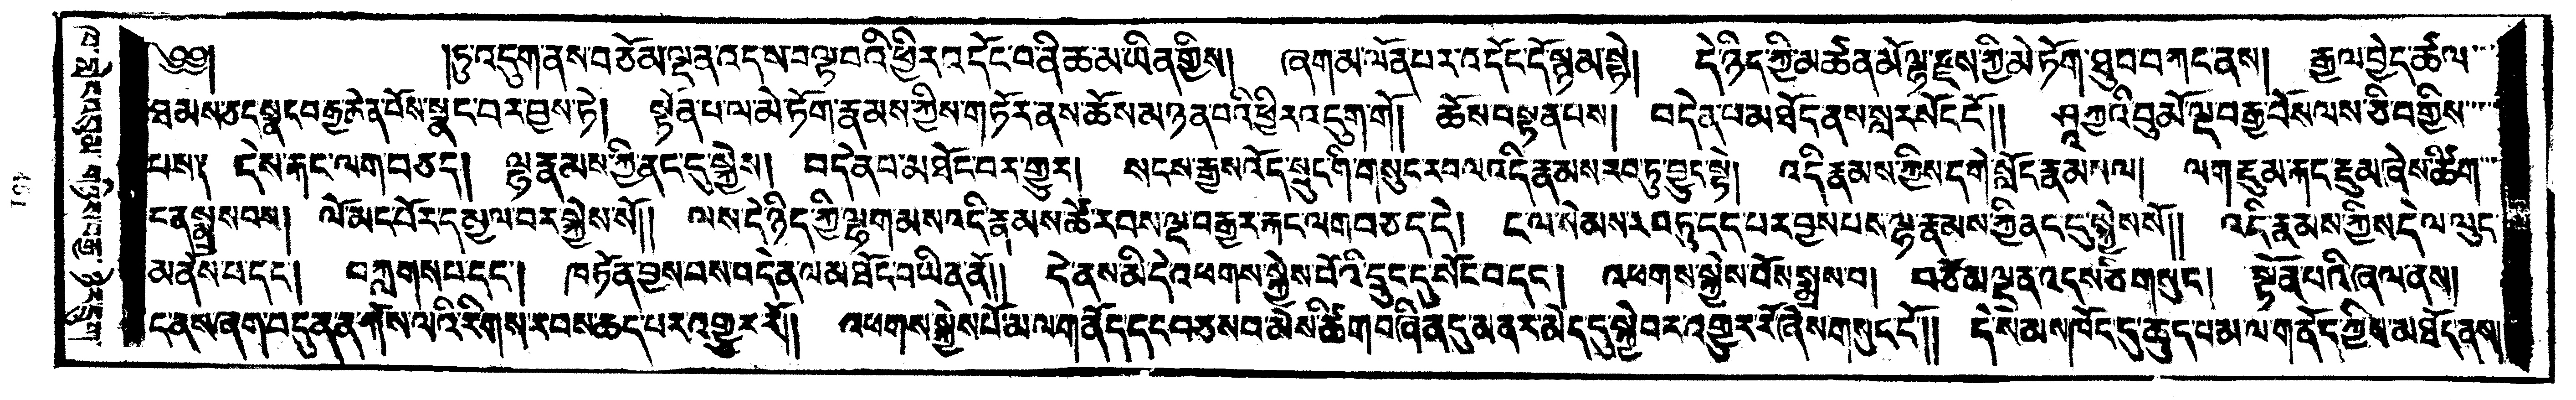༄༅། །ཏུ་འདུག་ནས་བཅོམ་ལྡན་འདས་བལྟ་བའི་ཕྱིར་འདོང་བ་ནི་ཆ་མ་ཡིན་གྱིས། ཞག་མ་ལོན་པར་འདོང་དོ་སྙམ་སྟེ། དེ་ཉིད་ཀྱི་མཚན་མོ་ལྷ་རྫས་ཀྱི་མེ་ཏོག་ཐུབ་བཀང་ནས། རྒྱལ་བྱེད་ཚལ་
ཐམས་ཅད་སྣང་བ་རྒྱ་ཆེན་པོས་སྣང་བར་བྱས་ཏེ། སྟོན་པ་ལ་མེ་ཏོག་རྣམས་ཀྱིས་གཏོར་ནས་ཆོས་མཉན་བའི་ཕྱིར་འདུག་གོ། ཆོས་བསྟན་པས། བདེན་པ་མཐོང་ནས་སླར་སོང་ངོ། །ཤཱཀྱའི་བུ་མོ་ལྔ་བརྒྱ་པོས་ལས་ཅི་བགྱིས་
པས༑ དེས་རྐང་ལག་བཅད། ལྷ་རྣམས་ཀྱི་ནང་དུ་སྐྱེས། བདེན་པ་མཐོང་བར་གྱུར། སངས་རྒྱས་འོད་སྲུང་གི་གསུང་རབ་ལ་འདི་རྣམས་རབ་ཏུ་བྱུང་སྟེ། འདི་རྣམས་ཀྱིས་དགེ་སློང་རྣམས་ལ། ལག་རྡུམ་རྐང་རྡུམ་ཞེས་ཚིག་
ངན་སྨྲས་བས། ལོ་མང་པོར་དམྱལ་བར་སྐྱེས་སོ། །ལས་དེ་ཉིད་ཀྱི་ལྷག་མས་འདི་རྣམས་ཚེ་རབས་ལྔ་བརྒྱར་རྐང་ལག་བཅད་དེ། ང་ལ་སེམས་རབ་ཏུ་དད་པར་བྱས་པས་ལྷ་རྣམས་ཀྱི་ནང་དུ་སྐྱེས་སོ།། འདི་རྣམས་ཀྱིས་དེ་ལ་ལུང་
མནོས་པ་དང་། བཀླགས་པ་དང་། ཁ་ཏོན་བྱས་པས་བདེན་ལ་མཐོང་བ་ཡིན་ནོ། །དེ་ནས་མི་དེ་འཕགས་སྐྱེས་བོའི་དྲུང་དུ་སོང་བ་དང་། འཕགས་སྐྱེས་པོས་སྨྲས་པ། བཅོམ་ལྡན་འདས་ཅི་གསུང་། སྟོན་པའི་ཞལ་ནས།
ད་ནས་ཞག་བདུན་ན་ཀོས་ལའི་རིགས་རབས་ཆད་པར་འགྱུར་རོ། །འཕགས་སྐྱེས་པོ་མ་ལ་གནོད་དང་བཅས་བ་མོས་ཚིག་བཞིན་དུ་མནར་མེད་དུ་སྐྱེ་བར་འགྱུར་ཞེས་གསུང་ངོ།། དེ་སེམས་ཁོད་དུ་ཆུད་པ་མ་ལ་གནོད་ཀྱིས་མཐོང་ནས་